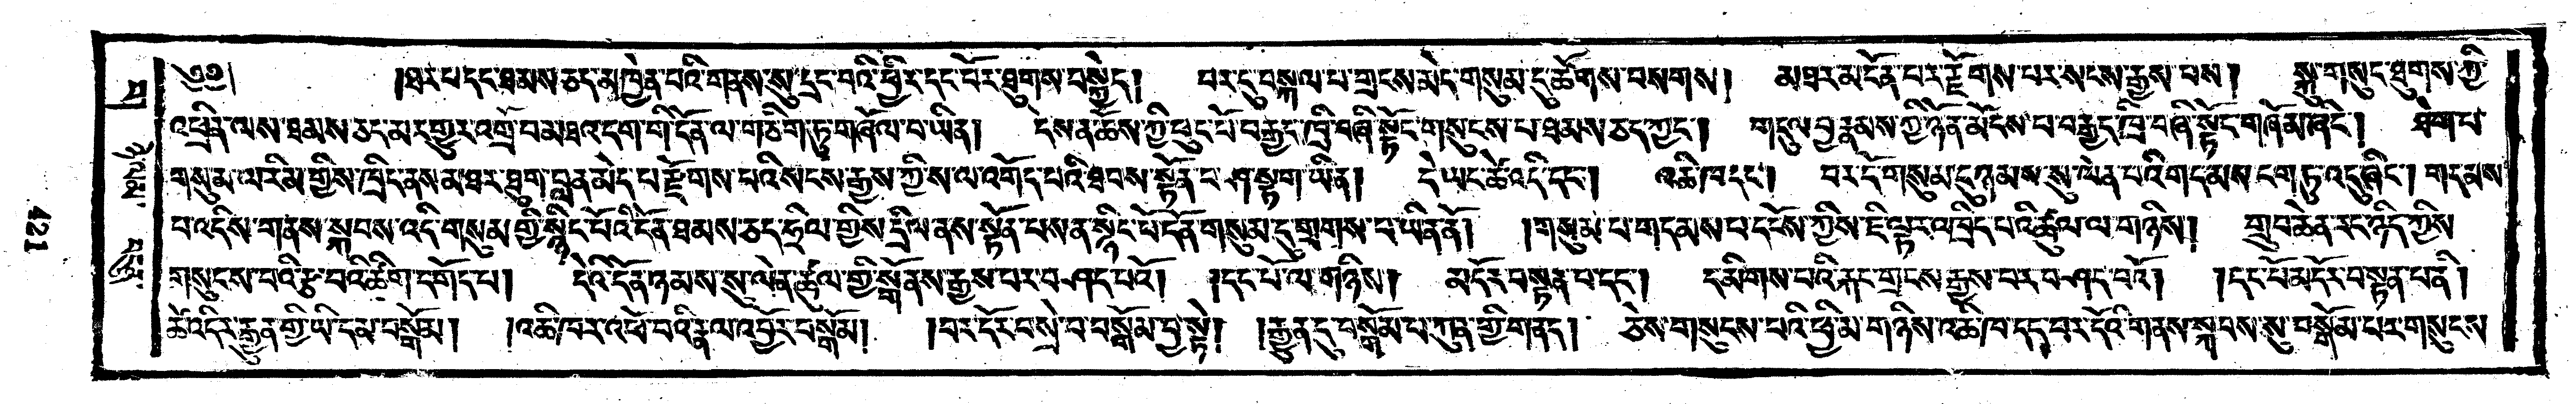༄༅། །ཐར་པ་དང་ཐམས་ཅད་མཁྱེན་པའི་གནས་སུ་དྲང་བའི་ཕྱིར་དང་པོར་ཐུགས་བསྐྱེད། བར་དུ་བསྐལ་པ་གྲངས་མེད་གསུམ་དུ་ཚོགས་བསགས། མཐར་མངོན་པར་རྗོགས་པར་སངས་རྒྱས་པས། སྐུ་གསུང་ཐུགས་ཀྱི་
འཕྲིན་ལས་ཐམས་ཅད་མར་གྱུར་འགྲོ་བ་མཐའ་དག་གི་དོན་ལ་གཅིག་ཏུ་གཞོལ་བ་ཡིན། དེས་ན་ཆོས་ཀྱི་ཕུང་པོ་བརྒྱད་ཁྲི་བཞི་སྟོང་གསུངས་པ་ཐམས་ཅད་ཀྱང་། གདུལ་བྱ་རྣམས་ཀྱི་ཉོན་མོངས་པ་བརྒྱད་ཁྲི་བཞི་སྟོང་གཞོམ་ཞིང་། ཐེག་པ་
གསུམ་ལ་རིམ་གྱིས་ཁྲིད་ནས་མཐར་ཐུག་བླ་ན་མེད་པ་རྫོགས་པའི་སངས་རྒྱས་ཀྱི་ས་ལ་འགོད་པའི་ཐབས་སྟོན་པ་ཤ་སྟག་ཡིན། དེ་ཡང་ཚེ་འདི་དང་། འཆི་ཁ་དང་། བར་དོ་གསུམ་དུ་ཉམས་སུ་ལེན་པའི་གདམས་ངག་ཏུ་འདུ་ཞིང་། གདམས་
པ་འདིས་གནས་སྐབས་འདི་གསུམ་གྱི་སྙིང་པོའི་དོན་ཐམས་ཅད་ཧྲིལ་གྱིས་དྲིལ་ནས་སྟོན་པས་ན་སྙིང་པོ་དོན་གསུམ་དུ་གྲགས་པ་ཡིན་ནོ། །གསུམ་པ་གདམས་པ་དངོས་ཀྱིས་ཇི་ལྟར་འཁྲིད་པའི་ཚུལ་ལ་གཉིས། གྲུབ་ཆེན་རང་ཉིད་ཀྱིས་
གསུངས་པའི་རྩ་བའི་ཚིག་དགོད་པ། དེའི་དོན་ཉམས་སུ་ལེན་ཚུལ་གྱི་སྒོ་ནས་རྒྱས་པར་བཤད་པའོ། །དང་པོ་ལ་གཉིས། མདོར་བསྟན་པ་དང་། དམིགས་པའི་རྐང་གྲངས་རྒྱས་པར་བཤད་བའོ། །དང་པོ་མདོར་བ་སྟན་པ་ནི།
ཚེ་འདིར་རྒྱུན་གྱི་ཡི་དམ་བསྒོམ། །འཆི་ཁར་འཕོ་བའི་རྣལ་འབྱོར་བསྒོམ། །བར་དོར་བསྲེ་བ་བསྒོམ་བྱ་སྟེ། །རྒྱུན་དུ་བསྒོམ་པ་ཀུན་གྱི་གནད། ཅེས་གསུངས་པའི་ཕྱི་མ་གཉིས་འཆི་ཁ་དང་བར་དོའི་གནས་སྐབས་སུ་བསྒོམ་པར་གསུངས་